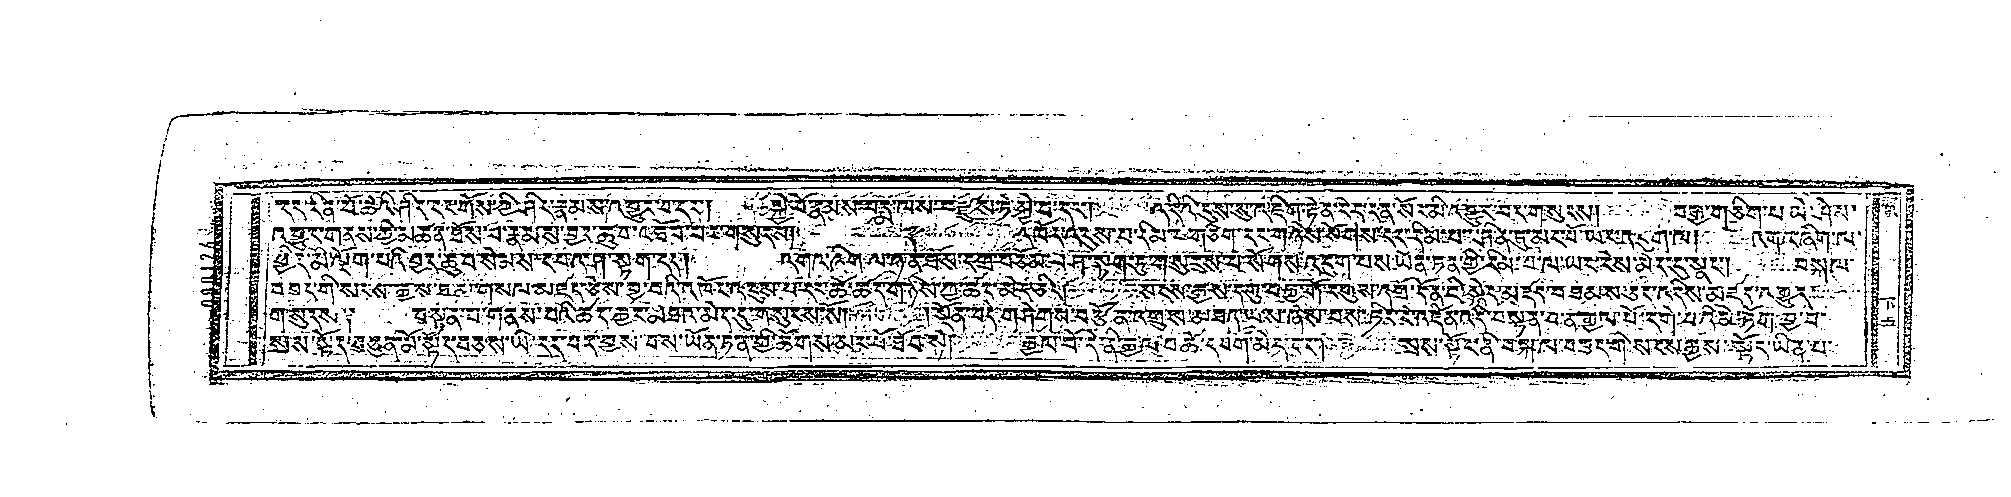དང་རིན་པོ་ཆེའི་ཤིང་དང་གོས་ཀྱི་ཤིང་རྣམས་འབྱུང་བ་དང་། སྐྱེ་བོ་རྣམས་པདམ་ལས་བརྫུས་ཏེ་སྐྱེ་བ་དང་། འདིའི་དུས་སུ་འཇིག་རྟེན་དེར་ངན་སོང་མི་འབྱུང་བར་གསུངས། བརྒྱ་གཅིག་པ་ཡེ་ཤེས་
འབྱུང་གནས་ཀྱི་མཚན་ཐོས་པ་རྣམས་བྱང་ཆུབ་འཐོབ་པར་གསུངས། ༈ འཁོར་འདུས་པ་རིམ་པ་གཅིག་དང་གཉིས་སོགས་དང་རིམ་པ་ཤིན་ཏུ་མང་པོ་ཡང་འདུག་ལ། འགའ་ཞིག་ལ་
ཕྱིར་མི་ལྡོག་པའི་བྱང་ཆུབ་སེམས་དཔའ་ཤ་སྟག་དང་། འགའ་ཞིག་ལ་ཉན་ཐོས་དགྲ་བཅོམ་པ་ཤ་སྟག་ཏུ་གསུངས་པ་སོགས་འདུག་པས་ཡོན་ཏན་གྱི་རིམ་པ་ལ་ཡང་ངེས་མེད་དུ་སྣང་། བསྐལ་
བཟང་གི་སངས་རྒྱས་ཐ་མ་གསལ་མཛད་ཅེས་བྱ་བའི་འཁོར་འདུས་པ་དང་ཆོ་ཚད་གཉིས་ཀྱི་ཚད་མེད་ཅིང་། སངས་རྒྱས་དགུ་བརྒྱ་གོ་དགུས་འགྲོ་དོན་ཇི་སྙེད་མཛད་བ་ཐམས་ཅད་འདིས་མཛད་འགྱུར་
གསུངས༑ བསྟན་པ་གནས་པའི་ཚད་རྐྱང་མཐའ་མེད་དུ་གསུངས་སོ། །སྔོན་བདེ་གཤེགས་བརྩོན་འགྲུས་མཐའ་ཡས་ཞེས་པས་ཏིང་ངེ་འཛིན་འདི་བསྟན་པ་ན་རྒྱལ་པོ་དགེ་བའི་མེ་ཏོག་བྱ་བ་
སྲས་སྟོང་བཙུན་མོ་སྟོད་བཅས་ཡི་རང་བར་བྱས་བས་ཡོན་ཏན་གྱི་ཚོགས་མང་པོ་ཐོབ་སྟེ། རྒྱལ་པོ་དེ་ནི་རྒྱལ་བ་ཚེ་དཔག་མེད་དང་། སྲས་སྟོང་ནི་བསྐལ་བཟང་གི་སངས་རྒྱས་སྟོང་ཡིན་པ་